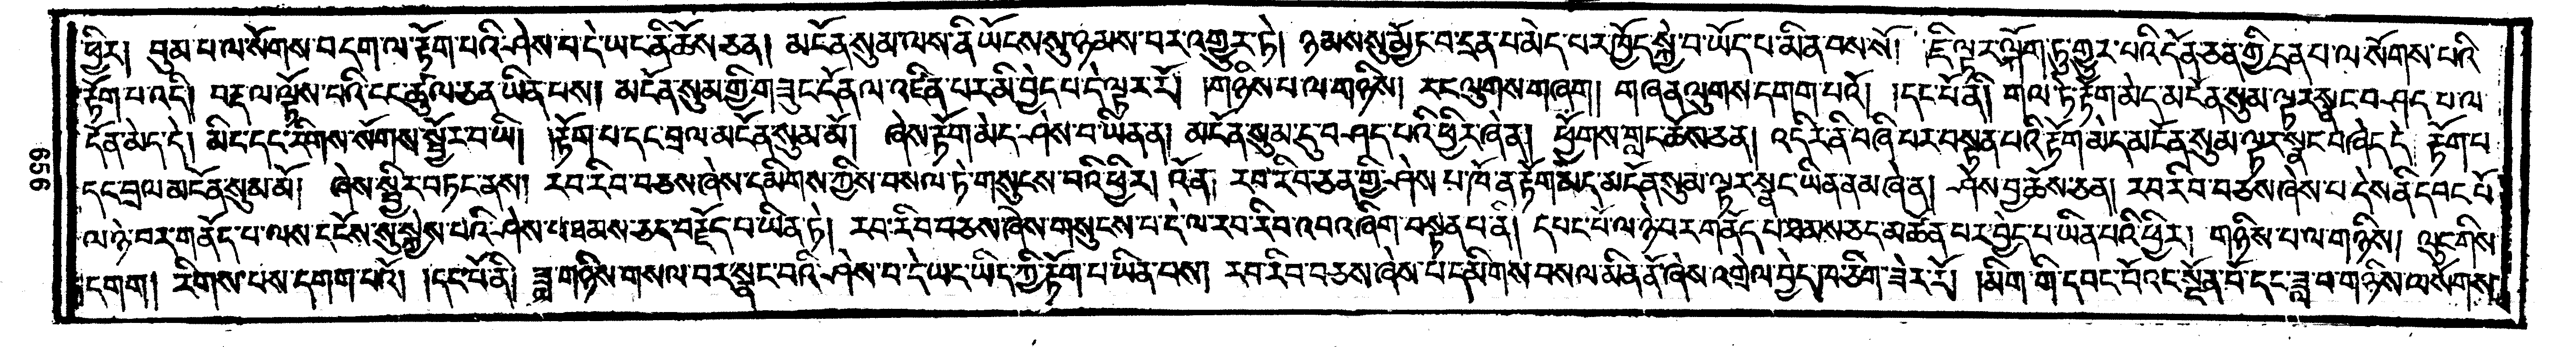ཕྱིར། བུམ་པ་ལ་སོགས་བདག་ལ་རྟོག་པའི་ཤེས་པ་དེ་ཡང་ནི་ཆོས་ཅན། མངོན་སུམ་ལས་ནི་ཡོངས་སུ་ཉམས་བར་འགྱུར་ཏེ། ཉམས་སུ་མྱོང་བ་དྲན་པ་མེད་པར་ཁྱོད་སྐྱེ་བ་ཡོད་པ་མིན་བས་སོ། །ཇི་ལྟར་ལྐོག་ཏུ་གྱུར་པའི་དོན་ཅན་གྱི་དྲན་པ་ལ་སོགས་པའི་
རྟོག་པ་འདི། བརྡ་ལ་ལྟོས་པའི་དང་ཚུལ་ཅན་ཡིན་པས། མངོན་སུམ་གྱི་གཟུང་དོན་ལ་འཛིན་པར་མི་བྱེད་པ་དེ་ལྟར་རོ། །གཉིས་པ་ལ་གཉིས། རང་ལུགས་གཞག། གཞན་ལུགས་དགག་པའོ། །དང་པོ་ནི། གལ་ཏེ་རྟོག་མེད་མངོན་སུམ་ལྟར་སྣང་བཤད་པ་ལ་
དོན་མེད་དེ། མིང་དང་རིགས་སོགས་སྦྱོར་བ་ཡི། །རྟོག་པ་དང་བྲལ་མངོན་སུམ་མོ། ཞེས་རྟོག་མེད་ཤེས་པ་ཡིན་ན། མངོན་སུམ་དུ་བཤད་པའི་ཕྱིར་ཞེ་ན། ཕྱོགས་གླང་ཆོས་ཅན། འདིར་ནི་བཞི་པར་བསྟན་པའི་རྟོག་མེད་མངོན་སུམ་ལྟར་སྣང་བཞེད་དེ། རྟོག་པ་
དང་བྲལ་མངོན་སུམ་མོ། ཞེས་སྦྱིར་བཏང་ནས། རབ་རིབ་བཅས་ཞེས་དམིགས་ཀྱིས་བསལ་ཏེ་གསུངས་པའི་ཕྱིར། འོ་ན། རབ་རིབ་ཅན་གྱི་ཤེས་པ་ཁོ་ན་རྟོག་མེད་མངོན་སུམ་ལྟར་སྣང་ཡིན་ནམ་ཞེ་ན། ཤེས་བྱ་ཆོས་ཅན། རབ་རིབ་བཅས་ཞེས་པ་དེས་ནི་དབང་པོ་
ལ་ཉེ་བར་གནོད་པ་ལས་དངོས་སུ་སྐྱེས་པའི་ཤེས་པ་ཐམས་ཅད་བརྗོད་བ་ཡིན་ཏེ། རབ་རིབ་བཅས་ཞེས་གསུངས་པ་དེ་ལ་རབ་རིབ་འབའ་ཞིག་བསྟན་པ་ནི། དཔང་པོ་ལ་ཉེ་བར་གནོད་པ་ཐམས་ཅད་མཚན་པར་བྱེད་པ་ཡིན་པའི་ཕྱིར། གཉིས་པ་ལ་གཉིས། ལུང་གིས་
དགག། རིགས་པས་དགག་པའོ། །དང་པོ་ནི། ཟླ་གཉིས་གསལ་བར་སྣང་བའི་ཤེས་པ་དེ་ཡང་ཡིད་ཀྱི་རྟོག་པ་ཡིན་པས། རབ་རིབ་བཅས་ཞེས་པ་དམིགས་བསལ་མིན་ནོ་ཞེས་འགྲེལ་བྱེད་ཁ་ཅིག་ཟེར་རོ། །མིག་གི་དབང་པོའང་སྔོན་བོ་དང་ཟླ་བ་གཉིས་ལ་སོགས་